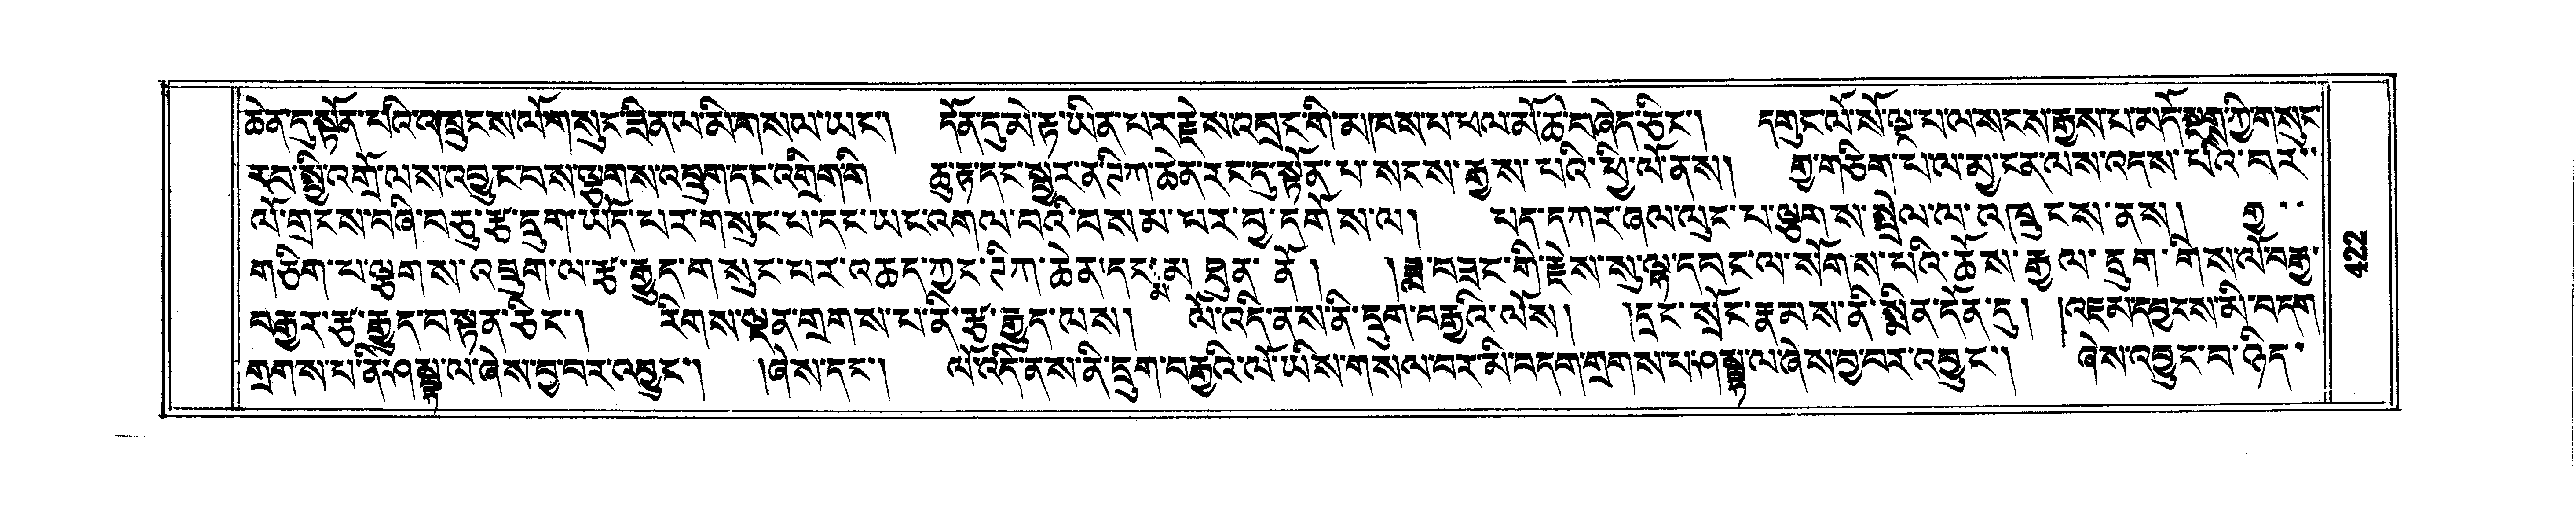ཆེན་དུ་སྟོན་པའི་འཁྲུངས་ལོ་གསུང་ཟིན་ལ་མི་གསལ་ཡང་། དོན་དུ་མེ་རྟ་ཡིན་པར་རྗེས་འབྲང་གི་མཁས་པ་ཕལ་མོ་ཆེ་བཞེད་ཅིང་། དགུང་ལོ་སོ་ལྔ་པ་ལ་སངས་རྒྱས་པ་མདོ་སྔགས་ཀྱི་གསུང་
རབ་སྤྱི་འགྲོ་ལས་འབྱུང་བས་ལྕགས་འབྲུག་དང་འགྲིག་གི་ཆུ་རྟ་དང་སྦྱར་ན་ཊིཀ་ཆེན་རང་དུ་སྟོན་པ་སངས་རྒྱས་པའི་ཕྱི་ལོ་ནས། གྱ་གཅིག་པ་ལ་མྱ་ངན་ལས་འདས་པའི་བར་
ལོ་གྲངས་བཞི་བཅུ་རྩ་དྲུག་ཡོད་པར་གསུང་པ་དང་ཡང་འགལ་བའི་བསམ་པར་བྱ་དགོས་ལ། པད་དཀར་ཞལ་ལུང་པ་ལྕགས་སྤྲེལ་ལ་འཁྲུངས་ནས། གྱ་
གཅིག་པ་ལྕགས་འབྲུག་ལ་རྩ་རྒྱུད་གསུང་པར་འཆད་ཀྱང་ཊིཀ་ཆེན་དང་མ་མཐུན་ནོ། །ཟླ་བཟང་གི་རྗེས་སུ་ལྷ་དབང་ལ་སོགས་པའི་ཆོས་རྒྱལ་དྲུག་གིས་ལོ་བརྒྱ་
བརྒྱར་རྩ་རྒྱུད་བསྟན་ཅིང་། རིགས་ལྡན་གྲགས་པ་ནི་རྩ་རྒྱུད་ལས། ལོ་འདི་ནས་ནི་དྲུག་བརྒྱའི་ལོས། །དྲང་སྲོང་རྣམས་ནི་སྨིན་དོན་དུ། །འཇམ་དབྱངས་མི་བདག་
གྲགས་པ་ནི་ཤམྦྷ་ལ་ཞེས་བྱ་བར་འབྱུང་། །ཞེས་དང་། ལོ་འདི་ནས་ནི་དྲུག་བརྒྱའི་ལོ་ཡིས་གསལ་བར་མི་བདག་གྲགས་པ་ཤམྦྷ་ལ་ཞེས་བྱ་བར་འབྱུང་། ཞེས་འབྱུང་བ་ཉིད་